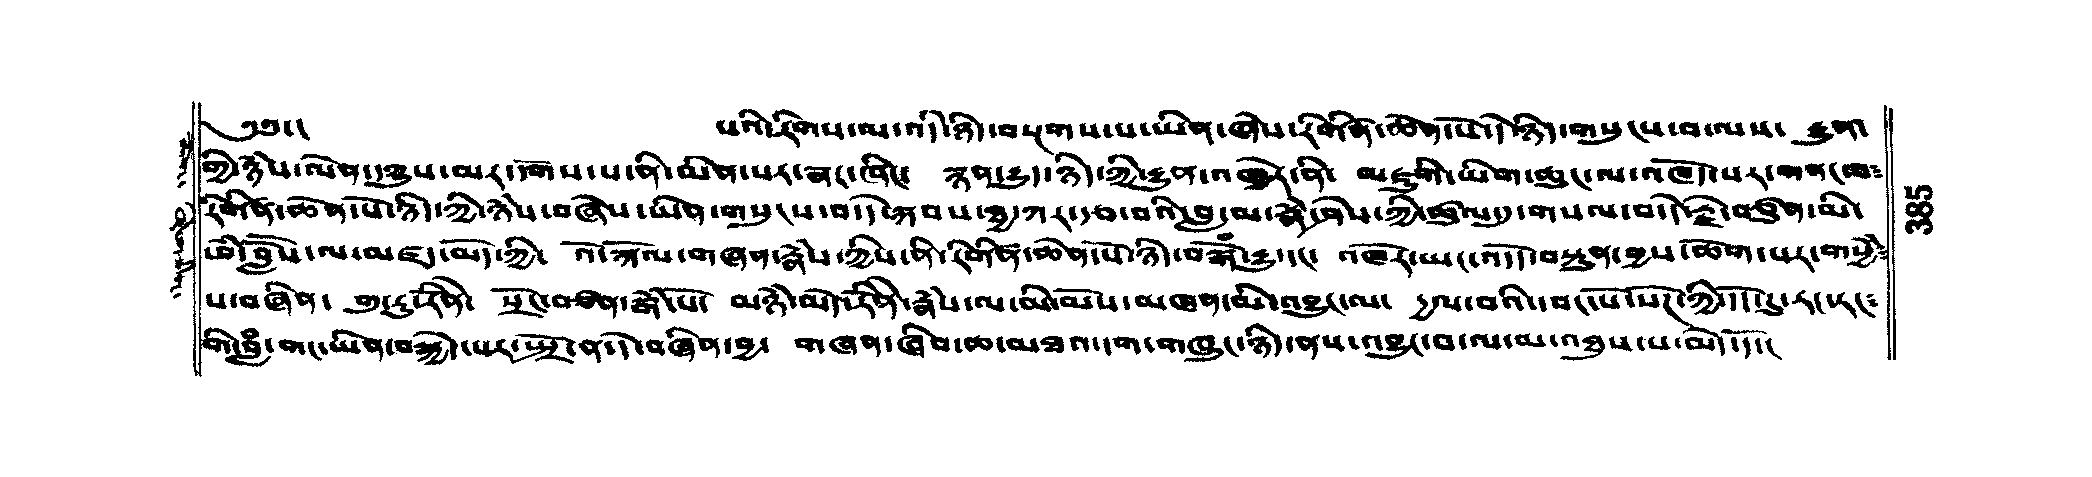པའི་རིགས་ལ་འདི་ཉིད་བསྔགས་པ་ཡིན་ཞེས་རིག་འཛིན་ཆེན་པོ་དེ་ཉིད་གསུངས་པ་ལས། རྒྱུན་
གྱི་ཉམས་ལེན་དཀྱུས་མར་དགོས་པ་ནི་མིན་པར་སྣང་ཞིང་། སྙན་བརྒྱུད་ཉིད་ཀྱི་རྒྱུན་ཁྱེར་ནི། མཇུག་གི་ཡིག་ཆུང་ལ་འཁོད་པར་གནང་བ་
རིག་འཛིན་ཆེན་པོ་ཉིད་ཀྱིད་ཉམས་བཞེས་ཡིན་གསུངས་བ་དེ་སྐབས་ཐུགས་ཀར་རྩ་བའི་བླ་མ་རྣམ་ཤེས་ཀྱི་ཚུལ་དུ་གསལ་བ་དེ་རྗེ་བཙུན་མི་
ཕམ་བློ་གྲོས་ལ་མཛད་མོད་ཀྱི། འོ་སྐོལ་གཞན་རྣམས་ཀྱིས་ནི་རིག་འཛིན་ཆེན་པོ་ཉིད་བསྒོམ་རྒྱུ་དང་། འཁོར་ཡང་འདོད་བསྟུན་བྱས་ཆོག་པར་གསུངས་
པ་བཞིན། གུ་རུ་རིན་པོ་ཆེ། སྲོང་བཙན་སྒམ་པོ། མཉམ་མེད་རིན་པོ་ཆེ་རྣམས་ལ་མི་མོས་མཁན་མི་འབྱུང་ལ། རྒྱལ་བའི་དབང་པོ་སོགས་ཀྱི་དོད་དུ་རང་རང་
གི་བླ་མ་གང་ཡིན་བསྐྱེད་པར་སྤྲོ་ན་དེ་བཞིན་བྱ།གཞན་ཞིབ་ཆ་མཐའ་དག་གཞུང་ཉིད་ནས་འབྱུང་བ་ལ་མ་འཐུས་པ་མེད་དོ།